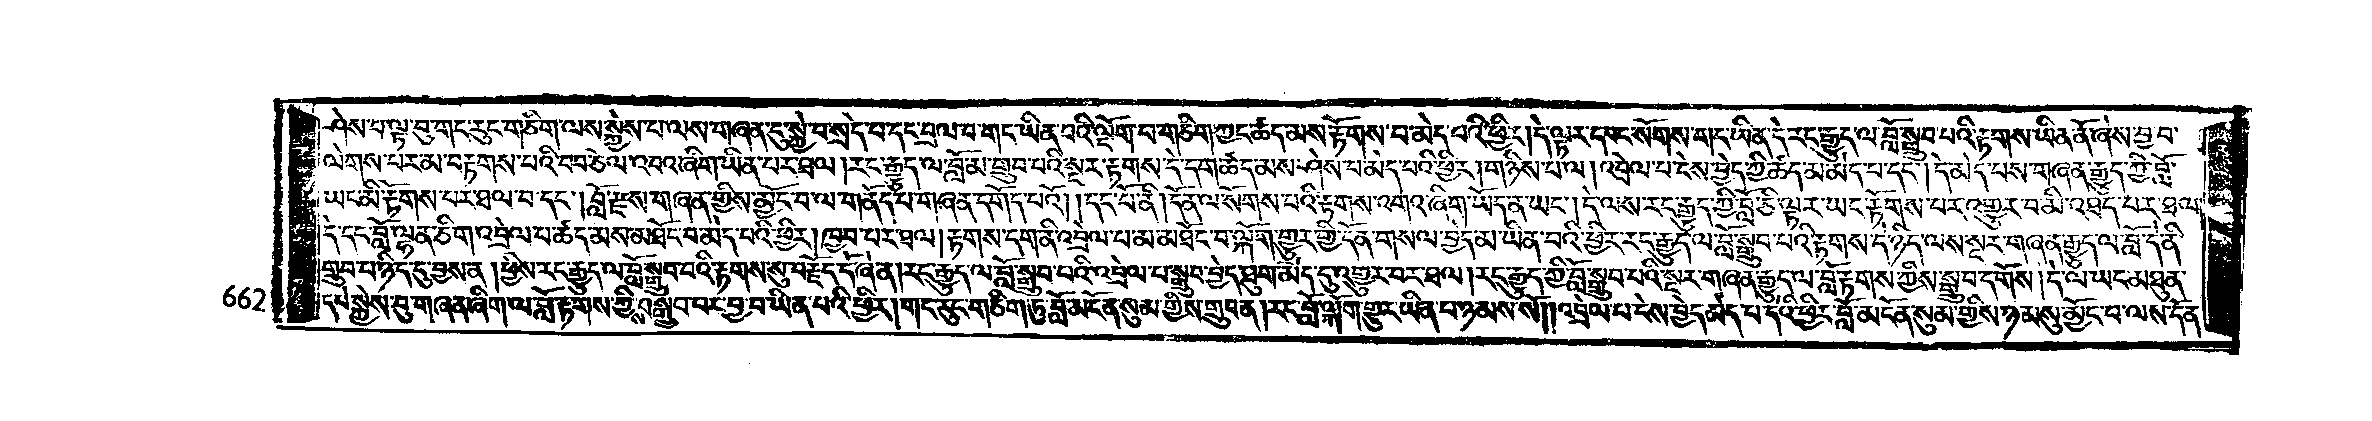ཤེས་པ་ལྟ་བུ་གང་རུང་གཅིག་ལས་སྐྱེས་པ་ལས་གཞན་དུ་སྐྱེ་བ་སྲིད་པ་དང་བྲལ་བ་གང་ཡིན་པའི་ལྡོག་པ་གཅིག་ཀྱང་ཚད་མས་རྟོགས་པ་མེད་པའི་ཕྱིར། དེ་ལྟར་དབང་སོགས་གང་ཡིན་དེ་རང་རྒྱུད་ལ་བློ་སྒྲུབ་པའི་རྟགས་ཡིན་ནོ་ཞེས་བྱ་བ་
ལེགས་པར་མ་བརྟགས་པའི་བབ་ཅོལ་འབའ་ཞིག་ཡིན་པར་ཐལ། རང་རྒྱུད་ལ་བློ་མ་གྲུབ་པའི་སྔར་རྟགས་དེ་དག་ཚད་མས་ཤེས་པ་མེད་པའི་ཕྱིར། གཉིས་པ་ལ། འབྲེལ་པ་ངེས་བྱེད་ཀྱི་ཚད་མ་མེད་པ་དང་། དེ་མེད་པས་གཞན་རྒྱུད་ཀྱི་བློ་
ཡང་མི་རྟོགས་པར་ཐལ་བ་དང་། བློ་རྫས་གཞན་གྱིས་མྱོང་བ་ལ་གནོད་པ་གཞན་དགོད་པའོ། །དང་པོ་ནི། དོན་ལ་སོགས་པའི་རྟགས་འགའ་ཞིག་ཡོད་ན་ཡང་། དེ་ལས་རང་རྒྱུད་ཀྱི་བློ་ཅི་ལྟར་ཡང་རྟོགས་པར་འགྱུར་བ་མི་འཐད་པར་ཐལ།
དེ་དང་བློ་ལྷན་ཅིག་འབྲེལ་པ་ཚད་མས་མཐོང་བ་མེད་པའི་ཕྱིར། ཁྱབ་པར་ཐལ། རྟགས་དག་ནི་འབྲེལ་པ་མ་མཐོང་བ་ལྐོག་གྱུར་གྱི་དོན་གསལ་བྱེད་མ་ཡིན་པའི་ཕྱིར་རང་རྒྱུད་ལ་བློ་སྒྲུབ་པའི་རྟགས་དེ་ཉིད་ལས་སྔར་གཞན་རྒྱུད་ལ་བློ་དེ་ནི་
གྲུབ་པ་ཉིད་དུ་བྱས་ན། ཕྱིས་རང་རྒྱུད་ལ་བློ་སྒྲུབ་པའི་རྟགས་སུ་བརྗོད་དོ་ཞེ་ན། རང་རྒྱུད་ལ་བློ་སྒྲུབ་པའི་འབྲེལ་པ་སྒྲུབ་བྱེད་ཐུག་མེད་དུ་འགྱུར་བར་ཐལ། རང་རྒྱུད་ཀྱི་བློ་སྒྲུབ་པའི་སྔར་གཞན་རྒྱུད་ལ་བློ་རྟགས་ཀྱིས་སྒྲུབ་དགོས། དེ་ལ་ཡང་མཐུན་
དཔེ་སྐྱེས་བུ་གཞན་ཞིག་ལ་བློ་རྟགས་ཀྱིས་བསྒྲུབ་པར་བྱ་བ་ཡིན་པའི་ཕྱིར། གང་རུང་གཅིག་ཏུ་བློ་མངོན་སུམ་གྱིས་གྲུབ་ན། རང་བློ་ལྐོག་གྱུར་ཡིན་པ་ཉམས་སོ། །འབྲེལ་པ་ངེས་བྱེད་མེད་པ་དེའི་ཕྱིར་བློ་མངོན་སུམ་གྱིས་ཉམས་སུ་མྱོང་བ་ལས་དོན་